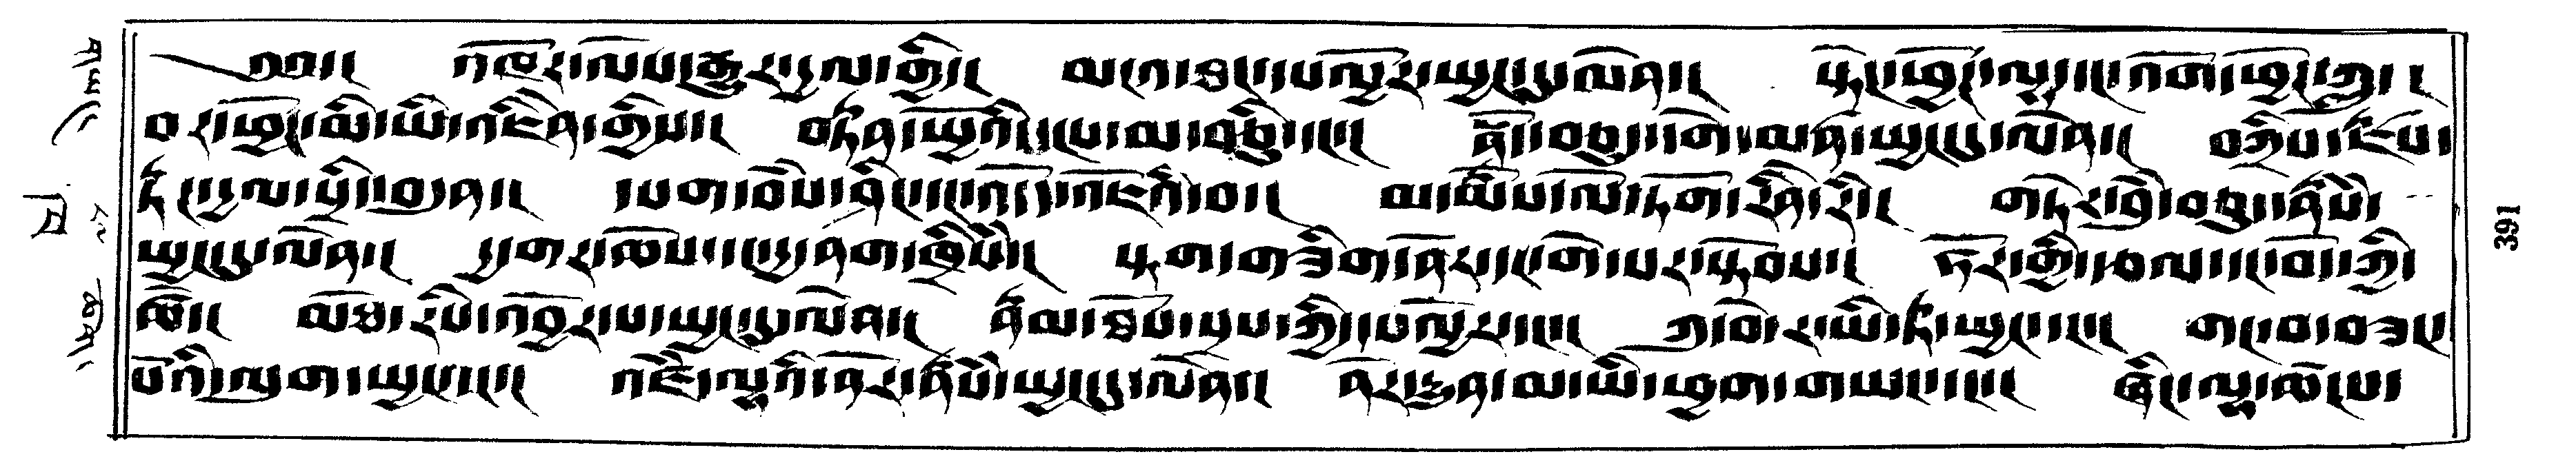འཁོར་ལོས་སྒྱུར་རྒྱལ་གྱི། །མངའ་ཐང་དཔལ་འབྱོར་གཡང་དུ་ལེན། །སྟེང་ཕྱོགས་ལྷ་དང་འོག་ཕྱོགས་ཀླུ། །
བར་ཕྱོགས་མི་ཡི་འཇིག་རྟེན་གྱིས། །བརྟན་གཡོའི་དྭངས་མ་བཅུ་བཞི་དང་། །སྣོད་བཅུད་དགེ་མཚན་གཡང་དུ་ལེན། །བཀྲ་ཤིས་རྫས་
རྟགས་རྒྱལ་སྲིད་བདུན། །དཔག་བསམ་ཤིང་དང་འདོད་འཇོའི་བ། །མ་རྨོས་ལོ་ཏོག་རིན་ཆེན་རི། །གཏེར་བུམ་བཅུད་རྣམས་
གཡང་དུ་ལེན། །རྒྱ་གར་ཆོས་དང་རྒྱ་ནག་ཁྲིམས། །སྟག་གཟིག་ནོར་དང་གེ་སར་སྟོབས། །ཧོར་གྱི་རྩལ་དང་བོད་ཀྱི་
ཚེ། །མཐོ་རིས་འབྱོར་པ་གཡང་དུ་ལེན། །རྣམ་ཐོས་སྲས་ཀྱི་དཔལ་འབྱོར་དང་། །ཀུ་བེ་ར་ཡི་རྟ་གཡང་དང་། །གང་བ་བཟང་
པོའི་ལུག་གཡང་དང་། །འཛམ་ལའི་ནོར་རྣམས་གཡང་དུ་ལེན། །ནོར་རྒྱུན་མ་ཡི་ཕྱག་གཡང་དང་། །ཞིང་ལྷ་ཚངས་